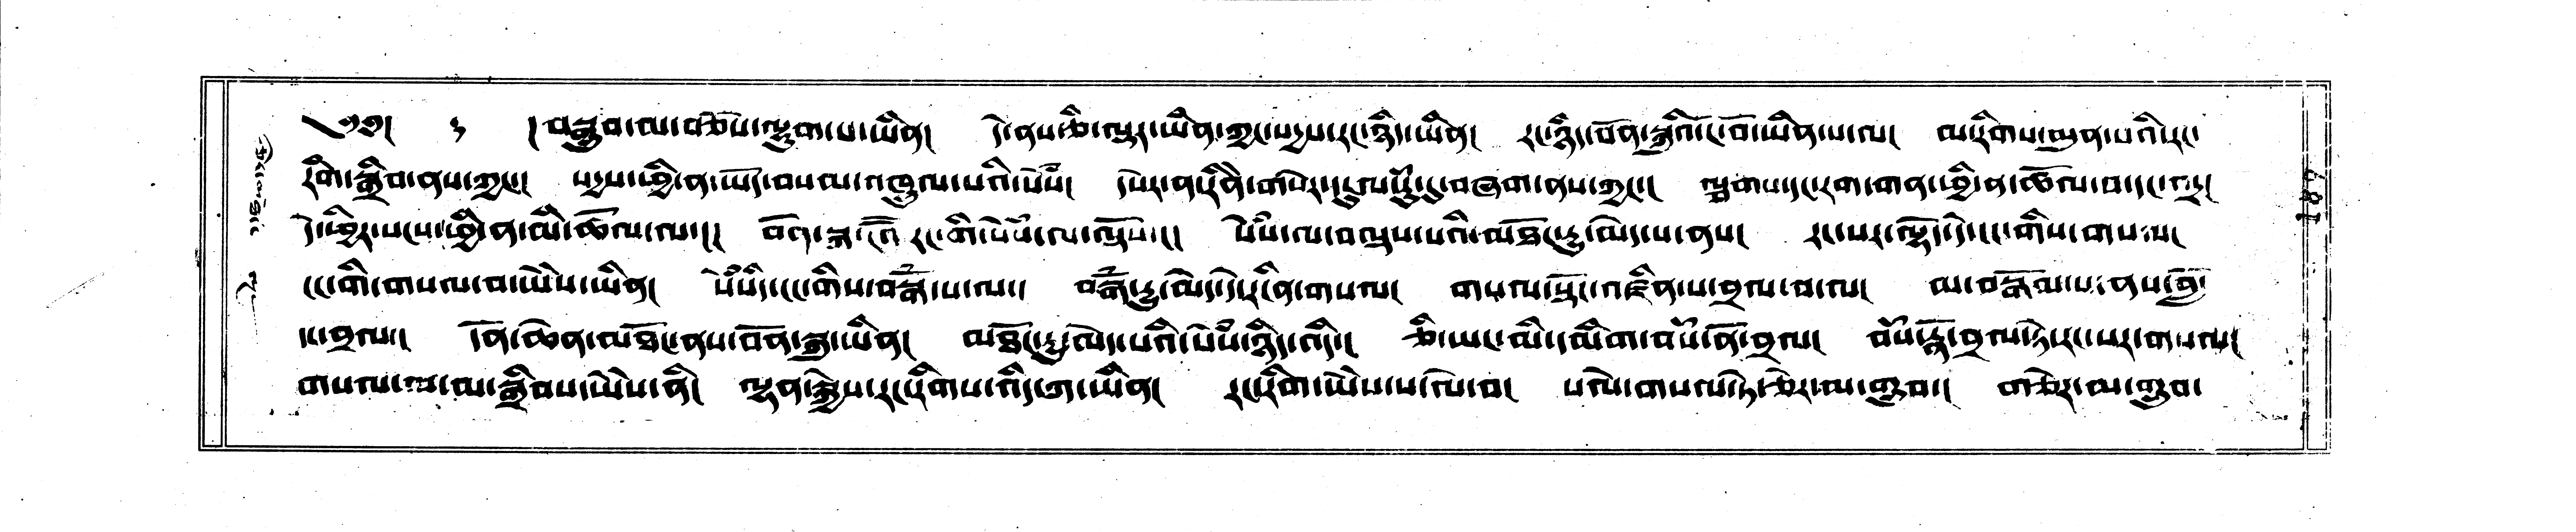བསྒྲུབ་མ་བཅོས་ལྷུག་པ་ཡིན། དེ་ནི་ཅི་ལྟར་ཡིན་ཀྱང་སངས་རྒྱས་རང་ཉིད་ཡིན། རང་ཉིད་བོན་སྐུ་ངོའོ་ཡིན་པ་ལ། མ་རིག་མུན་པས་རང་
རིག་སྒྲིབ་ནས་ཀྱང་། སངས་རྒྱས་ཕྱི་ན་ཡོད་བསམ་འཁྲུལ་པའི་སེམས། དཔེར་ན་རིན་ཆེན་གསེར་དངུལ་རུམ་དུ་བཞགས་ནས་ཀྱང་། ལྕགས་དང་ར་གན་ཕྱི་ནས་ཚོལ་བ་འདྲ། 
དེ་ཕྱིར་སངས་རྒྱས་ཕྱི་ན་མ་ཚོལ་ལ། བོན་སྐུའི་ངོའོ་རང་གི་སེམས་ལ་ལྟོས། སེམས་ལས་བལྟས་པས་མཐོང་རྒྱུ་མེད་བས་ན། རང་སར་ཀློད་དེ་རང་གིས་གསལ། 
ངང་གིས་གསལ་བ་ཡེ་ཤེས་ཡིན། སེམས་ཉིད་ངང་གིས་སྒོམ་པ་ལ། སྒོམ་རྒྱུ་མེད་དེ་རང་བཞིན་གསལ། གསལ་སྟོང་འཛིན་པ་བྲལ་བས་ན། མ་སྒོམ་བས་ན་བློ་
དང་བྲལ། དོན་ཆེན་མཐོང་བ་བོན་སྐུ་ཡིན། མཐོང་རྒྱུ་མེད་པའི་སེམས་ཉིད་འདི། ཅི་ཡང་མི་དམིགས་བསམ་མནོའ་བྲལ། བསམ་མནོའ་བྲལ་ཏེ་རང་སར་གསལ། 
གསལ་ལ་མ་འགགས་ཡེ་ཤེས་ནི། ལྷན་སྐྱེས་རང་རིག་འདི་ཀ་ཡིན། རང་རིག་ཤེས་པ་སལེ་བ། སལེ་གསལ་ཏེ་ཅིར་མ་གྲུབ། ཅིར་མ་གྲུབ